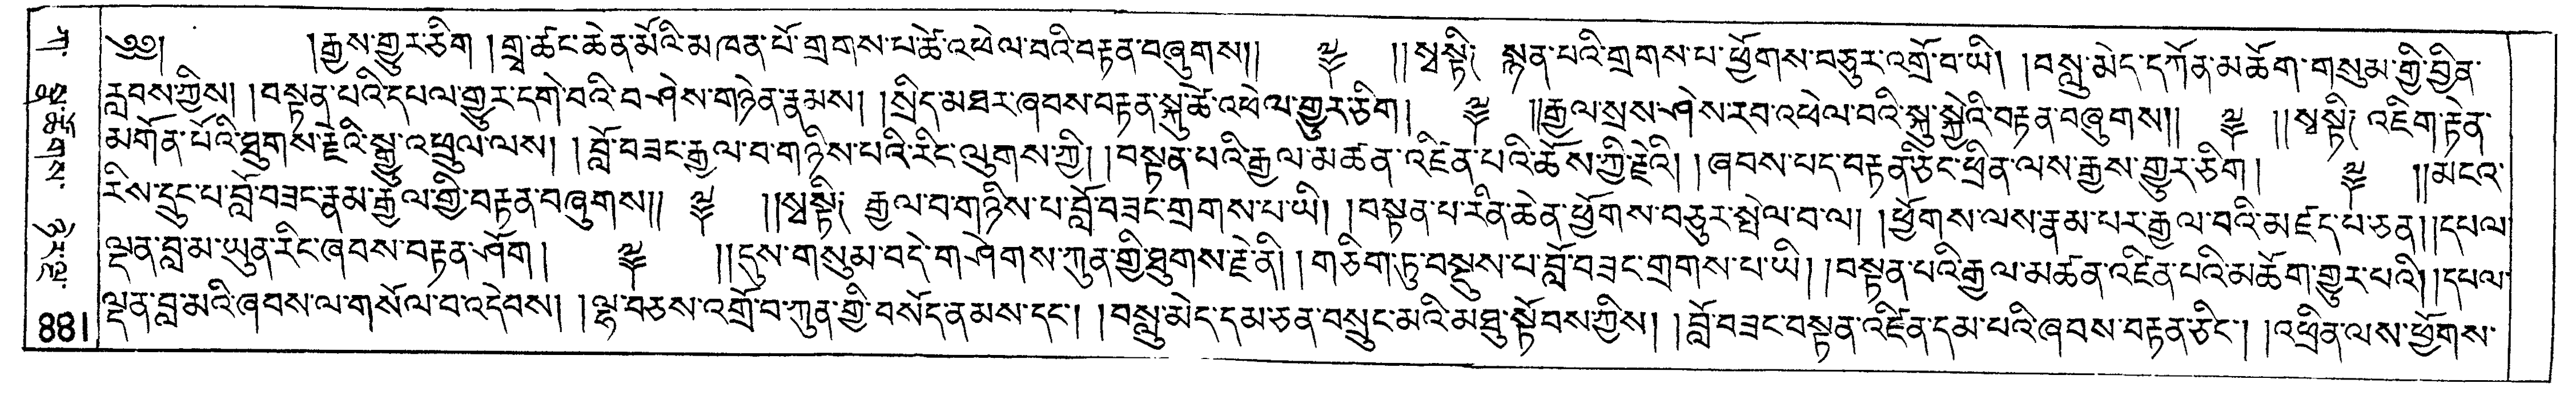༄༅། །རྒྱས་གྱུར་ཅིག །གྲྭ་ཚང་ཆེན་མོའི་མཁན་པོ་གྲགས་པ་ཚེ་འཕེལ་བའི་བརྟན་བཞུགས།། ༈ །།སྭསྟི༑ སྙན་པའི་གྲགས་པ་ཕྱོགས་བཅུར་འགྲོ་བ་ཡི། །བསླུ་མེད་དཀོན་མཆོག་གསུམ་གྱི་བྱིན་
རླབས་ཀྱིས། །བསྟན་པའི་དཔལ་གྱུར་དགེ་བའི་བཤེས་གཉེན་རྣམས། །སྲིད་མཐར་ཞབས་བརྟན་སྐུ་ཚེ་འཕེལ་གྱུར་ཅིག ། ༈ །།རྒྱལ་སྲས་ཤེས་རབ་འཕེལ་བའི་སྐུ་སྐྱེའི་བརྟན་བཞུགས།། ༈ །།སྭ་སྟི༑ འཇིག་རྟེན་
མགོན་པོའི་ཐུགས་རྗེའི་སྒྱུ་འཕྲུལ་ལས། །བློ་བཟང་བ་གཉིས་པའི་རིང་ལུགས་ཀྱི། །བསྟན་པའི་རྒྱལ་མཚན་འཛིན་པའི་ཆོས་ཀྱི་རྗེའི། །ཞབས་པད་བརྟན་ཅིང་ཕྲིན་ལས་རྒྱས་གྱུར་ཅིག ། ༈ །།མངའ་
རིས་དྲུང་པ་བློ་བཟང་རྣམ་རྒྱལ་གྱི་བརྟན་བཞུགས།། ༈ །།སྭ་སྟི༑ རྒྱལ་བ་གཉིས་པ་བློ་བཟང་གྲགས་པ་ཡི། །བསྟན་པ་རིན་ཆེན་ཕྱོགས་བཅུར་སྤེལ་བ་ལ། །ཕྱོགས་ལས་རྣམ་པར་རྒྱལ་བའི་མཛད་པ་ཅན། །དཔལ་
ལྡན་བླ་མ་ཡུན་རིང་ཞབས་བརྟན་ཤོག ། ༈ །།དུས་གསུམ་བདེ་གཤེགས་ཀུན་གྱི་ཐུགས་རྗེ་ནི། །གཅིག་ཏུ་བསྡུས་པ་བློ་བཟང་གྲགས་པ་ཡི། །བསྟན་པའི་རྒྱལ་མཚན་འཛིན་པའི་མཆོག་གྱུར་པའི། །དཔལ་
ལྡན་བླ་མའི་ཞབས་ལ་གསོལ་བ་འདེབས། །ལྷ་བཅས་འགྲོ་བ་ཀུན་གྱི་བསོད་ནམས་དང་། །བསླུ་མེད་དམ་ཅན་བསྲུང་མའི་མཐུ་སྟོབས་ཀྱིས། །བློ་བཟང་བསྟན་འཛིན་དམ་པའི་ཞབས་བརྟན་ཅིང་། །འཕྲིན་ལས་ཕྱོགས་